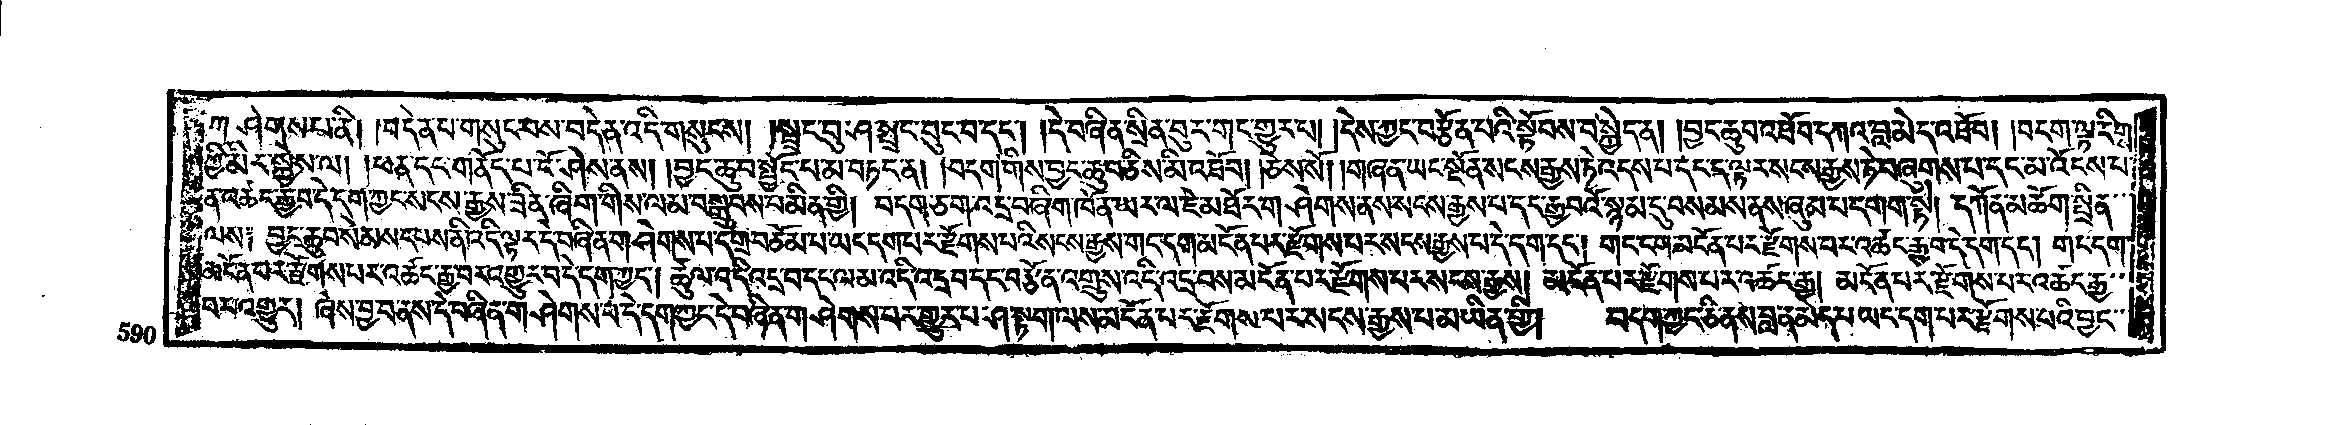གཤེགས་པ་ནི། །བདེན་པ་གསུང་བས་བདེན་འདི་གསུངས། །སྦྲང་བུ་ཤ་སྦྲང་བུང་བ་དང་། །དེ་བཞིན་སྲིན་བུར་གང་གྱུར་པ། །དེས་ཀྱང་བརྩོན་པའི་སྟོབས་བསྐྱེད་ན། །བྱང་ཆུབ་འཐོབ་དཀའ་བླ་མེད་འཐོབ། །བདག་ལྟ་རིགས་
ཀྱི་མིར་སྐྱེས་ལ། །ཕན་དང་གནོད་པ་ངོ་ཤེས་ནས། །བྱང་ཆུབ་སྤྱོད་པ་མ་བཏང་ན། །བདག་གིས་བྱང་ཆུབ་ཅིས་མི་འཐོབ། །ཅེས་སོ། །གཞན་ཡང་སྔོན་སངས་རྒྱས་ཏེ་འདས་པ་དང་ད་ལྟར་སངས་རྒྱས་ཏེ་བཞུགས་པ་དང་མ་འོངས་པ་
ན་འཚང་རྒྱ་བ་དེ་དག་ཀྱང་སངས་རྒྱས་ཟིན་ཞིག་གིས་ལམ་བསྒྲུབས་པ་མིན་གྱི། བདག་ཅག་འདྲ་བ་ཞིག་ཁོ་ན་ཡར་ལ་ཇེ་མཐོར་གཤེགས་ནས་སངས་རྒྱས་པ་དང་རྒྱ་བའོ་སྙམ་དུ་བསམས་ནས་ཞུམ་པ་དགག་སྟེ། དཀོན་མཆོག་སྤྲིན་
ལས༑ བྱང་ཆུབ་སེམས་དཔས་ནི་འདི་ལྟར་དེ་བཞིན་གཤེགས་པ་དགྲ་བཅོམ་པ་ཡང་དག་པར་རྫོགས་པའི་སངས་རྒྱས་གང་དག་མངོན་པར་རྫོགས་པར་སངས་རྒྱས་པ་དེ་དག་དང་། གང་དག་མངོན་པར་རྫོགས་པར་འཚང་རྒྱ་བ་དེ་དག་དང་། གང་དག་
མངོན་པར་རྫོགས་པར་འཚང་རྒྱ་བར་འགྱུར་བ་དེ་དག་ཀྱང་། ཚུལ་འདི་འདྲ་བ་དང་ལམ་འདི་འདྲ་བ་དང་བརྩོན་འགྲུས་འདི་འདྲ་བས་མངོན་པར་རྫོགས་པར་སངས་རྒྱས། མངོན་པར་རྫོགས་པར་འཚང་རྒྱ། མངོན་པར་རྫོགས་པར་འཚང་རྒྱ་
བར་འགྱུར། ཞེས་བྱ་བ་ནས་དེ་བཞིན་གཤེགས་པ་དེ་དག་ཀྱང་དེ་བཞིན་གཤེགས་པར་གྱུར་པ་ཤ་སྟག་ལས་མངོན་པར་རྫོགས་པར་སངས་རྒྱས་པ་མ་ཡིན་གྱི། བདག་ཀྱང་ཅི་ནས་བླ་ན་མེད་པ་ཡང་དག་པར་རྫོགས་པའི་བྱང་